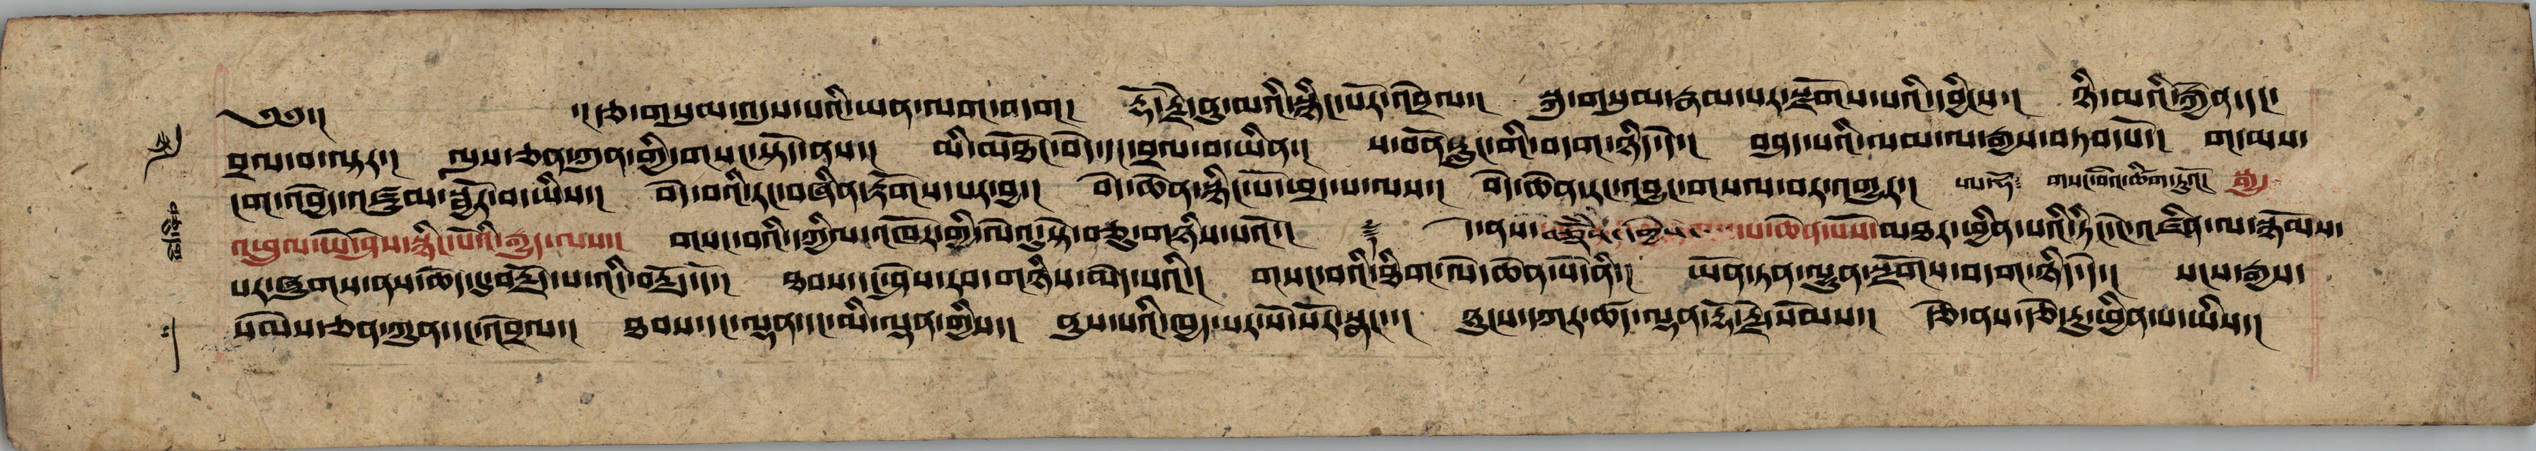༄༅་། ་།རྩ་གསུམ་འདུས་པའི་ཡན་ལག་བདག། རྡོ་རྗེ་ནུ་མའི་སྙིང་པོར་འབྲེལ་། སྐུ་གསུམ་རྣམ་པར་སྫོགས་པའི་དབྱིངས་། ཉི་མའི་རྐྱེན་དང་
བྲལ་བ་ལྟར་། ལུས་ཅན་ཀུན་གྱི་གསང་སྟོད་ནས་། མི་མཐོང་བདེ་དང་བྲལ་བ་ཡིན་། ས་བོན་རླུང་གི་བདག་ཉིད་དེ་། བཤད་པའི་ལམ་ལ་རྒྱས་བཏབ་པོ་། གདམས་
ངག་འབྱེདའཛུམ་སྦྱོར་བ་ཡིས་། བདེ་བའི་རང་བཞིན་རྟོགས་པར་བྱ་། བདེ་ཆེན་སྙིང་པོ་ཕྲད་པ་ལས་། བདེ་ཆེན་རང་འབྱུང་གསལ་བར་འགྱུར་། ཨ་ཧོ༴ གསང་བའི་ཚིག་ཏུའོ། སྒྱུ་
འཕྲུལ་ཡེ་ཤེས་སྙིང་པོའི་རྒྱུད་ལས་། གསང་བའི་དཀྱིལ་འཁོར་གྱི་ལེའུ་སྟེ་བཅུ་གཉིས་པའོ་། ࿑ དེ་ནས་བཅྡོྃན་དགྱེས་་་་པ་ཆེན་པོས་མཐར་ཕྱིན་པའི་ཏིང་ངེ་འཛིན་ལ་སྙོམས་
པར་ཞུགས་ནས་ཆེད་དུ་བརྗོད་པ་འདི་བརྗོད་དོ་། ཐབས་དང་ཤེས་རབ་གཉིས་མེད་པའི་། གསང་བའི་ཐིག་ལེ་ཆེན་པོ་ནི་། ཡོན་ཏན་ལྷུན་སྫོགས་བདག་ཉིད་དེ་། སངས་རྒྱས་
སེམས་ཅན་ཀུན་དང་འབྲེལ་། ཐབས་དང་ལྡན་དང་མི་ལྡན་གྱིས་། ནུས་པའི་ཁྱད་པར་སོ་སོར་སྣང་་། ཉུངས་དཀར་ཚད་ལྡན་རྡོ་རྗེ་སེམས་། རྩེ་ནས་རྩེ་རུ་ཕྱིན་པ་ཡིས་།